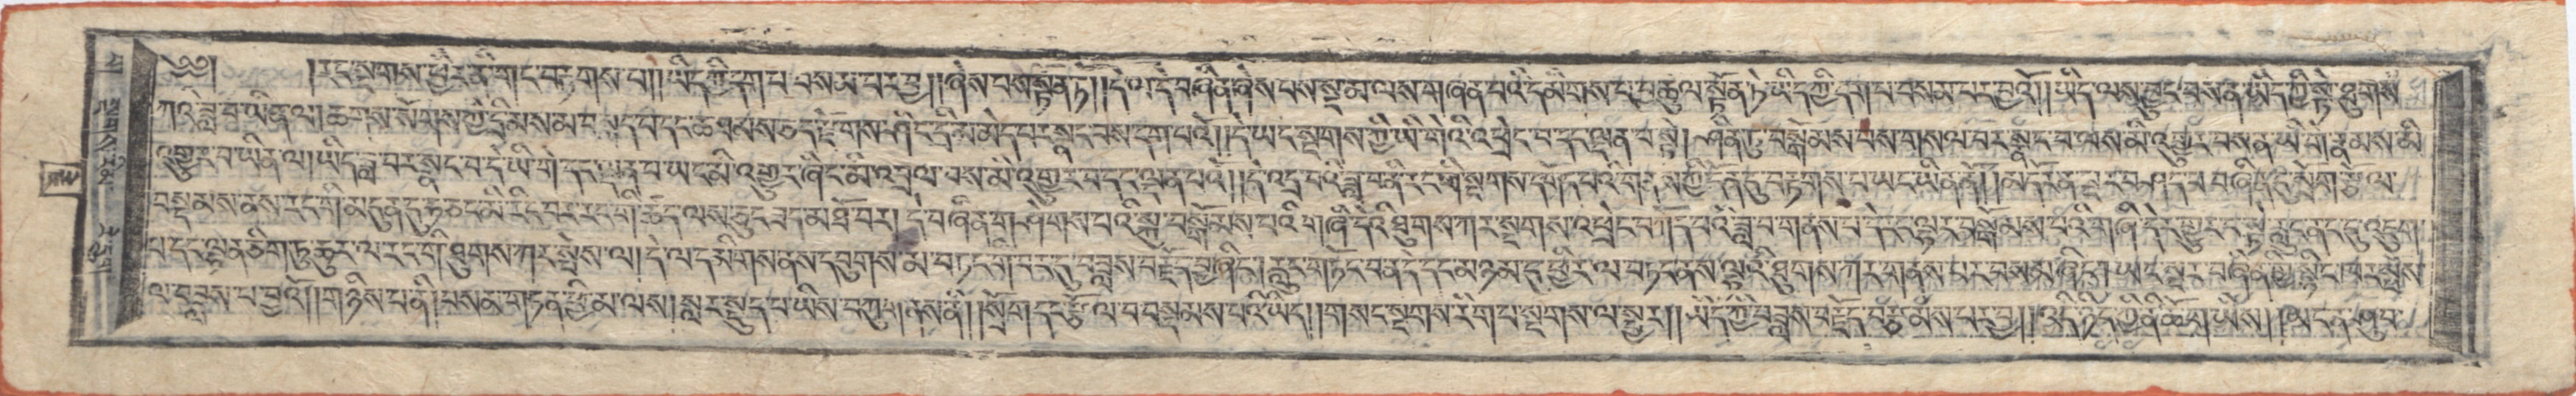༄༅། །རང་སྔགས་ཕྱིར་ནི་གང་བརྟགས་པ། །ཡིད་ཀྱི་དག་པ་བསམ་པར་བྱ། །ཞེས་པས་སྟོན་ཏོ། །དེ་ལ་དེ་བཞིན་ཞེས་པས་སྔ་མ་ལས་གཞན་པའི་དམིགས་པ་བྱ་ཚུལ་སྟོན་ཏེ་ཡིད་ཀྱི་དག་པ་བསམ་པར་བྱའོ། །ཡིད་ལས་བྱུང་བས་ན་ཡིད་ཀྱི་སྟེ་ཐུགས་
ཀའི་ཟླ་བ་ཡིན་ལ། ཆགས་སོགས་ཀྱི་དྲི་མས་མ་བསླད་པ་དང་ཆ་ཐམས་ཅད་རྫོགས་ཤིང་དྲི་མ་མེད་པར་སྣང་བས་དག་པའོ། །དེ་ཡང་སྔགས་ཀྱི་ཡི་གེའི་འཕྲེང་བ་དང་ལྡན་པ་སྟེ། ཤིན་ཏུ་བསྒོམས་པས་གསལ་བར་སྣང་བ་ལས་མི་འགྱུར་བས་ན་ཡི་གེ་རྣམས་མི་
འགྱུར་བ་ཡིན་ལ། ཡིད་ཟླ་བར་སྣང་བ་དེ་ཡི་གེ་དང་ལྡན་པ་ཡང་མི་འགྱུར་ཞིང་མི་འབྲལ་བས་མི་འགྱུར་བ་དང་ལྡན་པའོ། །དེ་འདྲ་བའི་ཟླ་བ་ནི་རང་གི་སྔགས་དགོད་པའི་གནས་ཀྱི་དོན་དུ་བརྟགས་པ་ཡང་ཡིན་ནོ། །མདོར་ན་སྔར་བཤད་པ་བཞིན་དུ་སྲོག་རྩོལ་
བསྡམས་ནས་རང་གི་མདུན་དུ་ཧ་ཅང་མི་རིང་བར་རང་གི་ཚད་ལས་ཅུང་ཟད་མཐོ་བར། དེ་བཞིན་གཤེགས་པའི་སྐུ་བསྒོམས་པའི་གཞི་དེའི་ཐུགས་ཀར་སྔགས་འཕྲེང་བཀོད་པའི་ཟླ་བ་གནས་པ་དེ་རང་ལྷར་བསྒོམས་པའི་གཞི་དེར་གྱུར་པ་སྟེ་རླུང་ནང་དུ་འཇུག་
པ་དང་ལྷན་ཅིག་ཏུ་ཆུར་ལ་རང་གི་ཐུགས་ཀར་སྤོས་ལ། དེ་ལ་དམིགས་ནས་དབུགས་མ་བཏང་གི་བར་དུ་བཟླས་བརྗོད་བྱ་ཞིང་། རླུང་གཏོང་བ་ན་དེ་དང་མཉམ་དུ་ཕྱིར་ལ་བཏང་ནས་ལྷའི་ཐུགས་ཀར་གནས་པར་བསམ་ཞིང་། ཡང་སྔར་བཞིན་གྱི་སྙིང་ཁར་སྤོས་
ལ་བཟླས་པ་བྱའོ། །གཉིས་པ་ནི། བསམ་གཏན་ཕྱི་མ་ལས། སླར་སྡུད་པ་ཡིས་བཀུག་ནས་ནི། །སྲོག་དང་རྩོལ་བ་བསྡམས་པའི་ཡིད། །གསང་སྔགས་རིག་པ་སྔགས་ལ་སྦྱར། །ཡིད་ཀྱི་བཟླས་བརྗོད་བརྩམས་པར་བྱ། །འདི་ཉིད་ཀྱི་ནི་ཆོ་ག་ཡིས། །ཡང་ན་ཤུབ་